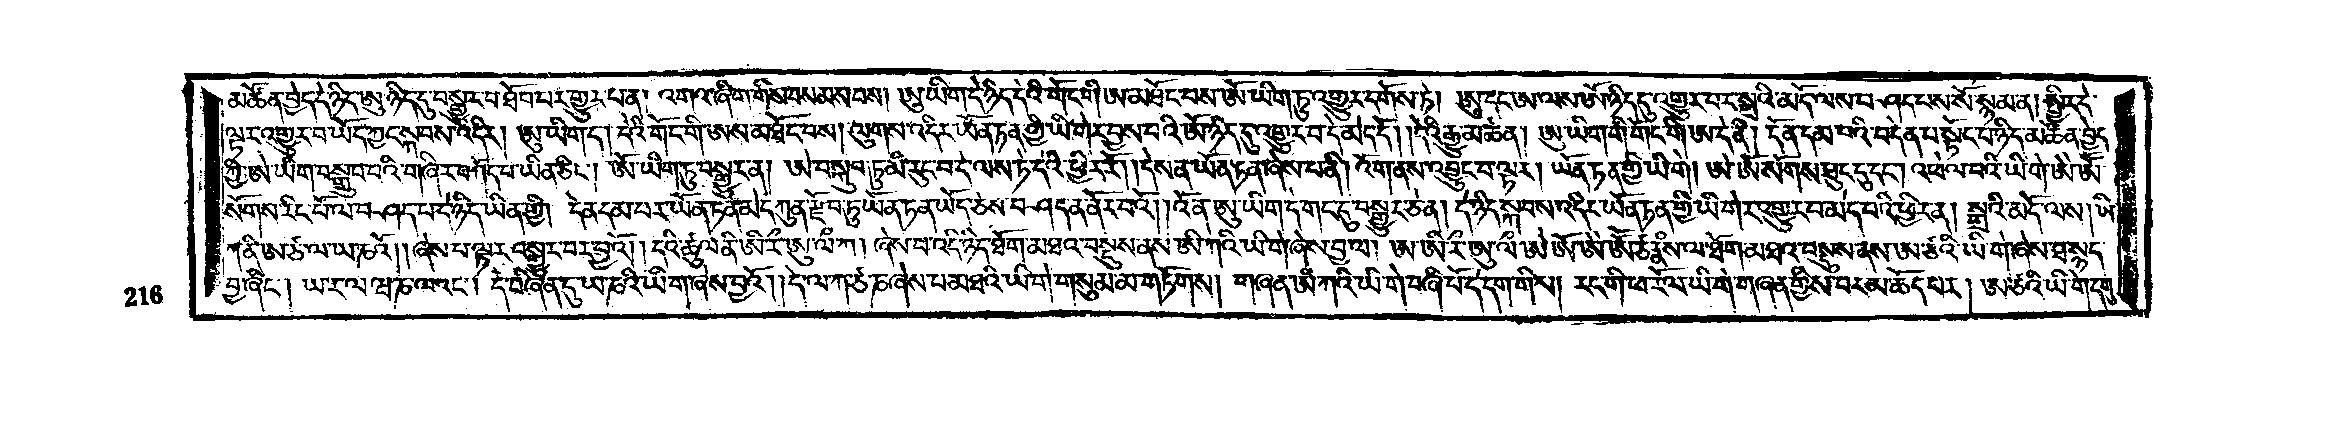མཚོན་བྱེད་དེ་ཉིད་ཨུ་ཉིད་དུ་བསྒྱུར་བ་ཐོབ་པར་གྱུར་པ་ན། འགའ་ཞིག་གིས་བསམས་པས། ཨུ་ཡིག་དེ་ཉིད་དེའི་གོང་གི་ཨ་མཐོང་བས་ཨོ་ཡིག་ཏུ་འགྱུར་དགོས་ཏེ། ཨུ་དང་ཨ་ལས་ཨོ་ཉིད་དུ་འགྱུར་བར་སྒྲའི་མདོ་ལས་བཤད་པས་སོ་སྙམ་ན། སྤྱིར་དེ་
ལྟར་འགྱུར་བ་ཡོད་ཀྱང་སྐབས་འདིར། ཨུ་ཡིག་དེ། དེའི་གོང་གི་ཨས་མཐོང་བས། ལུགས་འདིར་ཡོན་ཏན་གྱི་ཡི་གེར་བྱས་པའི་ཨོ་ཉིད་དུ་འགྱུར་བ་དེ་མེད་དོ། །དེའི་རྒྱུ་མཚན། ཨུ་ཡིག་གི་གོང་གི་ཨ་དེ་ནི། དོན་དམ་པའི་བདེན་པ་སྟོང་པ་ཉིད་མཚོན་བྱེད་
ཀྱི་ཨེ་ཡིག་བསྒྲུབ་པའི་གཞིར་བཀོད་པ་ཡིན་ཅིང་། ཨོ་ཡིག་ཏུ་བསྒྱུར་ན། ཨེ་བསྐུག་ཏུ་མི་རུང་བ་དེ་ལས་ཏེ་དེའི་ཕྱིར་རོ། །དེས་ན་ཡོན་ཏན་ཞེས་པ་ནི། འོག་ནས་འབྱུང་བ་ལྟར། ཡོན་ཏན་གྱི་ཡི་གེ། ཨེ་ཨོ་སོགས་ཐུང་དུ་དང་། འཕེལ་བའི་ཡི་གེ་ཨཻ་ཨཽ་
སོགས་རིང་པོ་ལ་བཤད་པ་དེ་ཉིད་ཡིན་གྱི། དོན་དམ་པར་ཡོན་ཏན་མེད་ཀུན་རྫོབ་ཏུ་ཡོན་ཏན་ཡོད་ཅེས་བཤད་ན་ནོར་བའོ། །འོ་ན་ཨུ་ཡིག་དེ་གང་དུ་བསྒྱུར་ཅེ་ན། དེ་ཉིད་སྐབས་འདིར་ཡོན་ཏན་གྱི་ཡི་གེར་འགྱུར་བ་མེད་པའི་ཕྱིར་ན། སྒྲའི་མདོ་ལས། ཨི་
ཀ་ནི་ཨ་ཅ་ལ་ཡ་ཎའོ། །ཞེས་པ་ལྟར་བསྒྱུར་བར་བྱའོ། །དའི་ཚུལ་ནི་ཨི་རྀ་ཨུ་ལྀ་ཀ། ཞེས་པ་འདི་ཉིད་ཐོག་མཐའ་བསྡུས་ནས་ཨི་ཀའི་ཡི་གེ་ཞེས་བྱ་ལ། ཨ་ཨི་རྀ་ཨུ་ལྀ་ཨེ་ཨོ་ཨཻ་ཨཽ་ཙ་རྣམས་ལ་ཐོག་མཐའ་བསྡུས་ནས་ཨ་ཙའི་ཡི་གེ་ཞེས་ཐ་སྙད་
བྱ་ཞིང་། ཡ་ར་ལ་ཝ་ཎ་ལའང་། དེ་བཞིན་དུ་ཡ་ཎའི་ཡི་གེ་ཞེས་བྱའོ། །དེ་ལ་ཀ་ཙ་ཎ་ཞེས་པ་མཐའི་ཡི་གེ་གསུམ་མ་གཏོགས། གཞན་ཨི་ཀའི་ཡི་གེ་བཞི་པོ་དེ་དག་གིས། རང་གི་ཕ་རོལ་ཡི་གེ་གཞན་གྱིས་བར་མ་ཆོད་པར། ཨ་ཙའི་ཡི་གེ་དགུ་